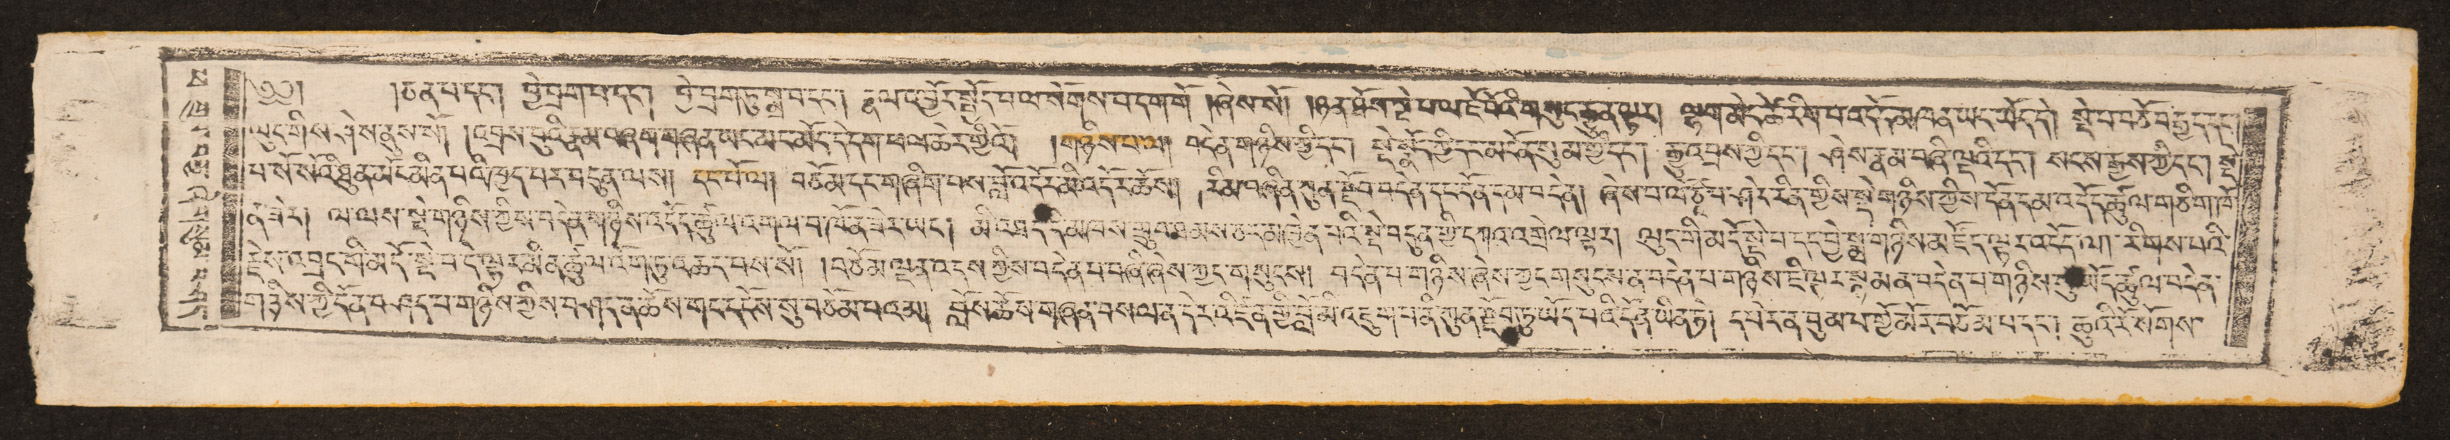༄༅། །ཅན་པ་དང་། བྱེ་བྲག་པ་དང་། བྱེ་བྲག་ཏུ་སྨྲ་བ་དང་། རྣལ་འབྱོར་སྤྱོད་པ་ལ་སོགས་བདག་གོ །ཞེས་སོ། །ཉན་ཐོས་སྡེ་པ་ལ་ཇོ་བོའི་གསུང་རྒྱུན་ལྟར། །ལྷག་མེད་ཚེ་རིག་བ་འདོད་མཁན་ཡང་ཡོད་དེ། སྡེ་པ་བཅོ་བརྒྱད་དང་
ལུང་གིས་ཤེས་ནུས་སོ། །འབྲས་བུའི་རྣམ་བཞག་གཞན་ཡང་མང་མོད་དེ་དག་ཕལ་ཆེར་གྱིའོ། །གཉིས་པ་ལ། བདེན་གཉིས་ཀྱི་དང་། སྡེ་སྣོད་ཀྱི་དང་མངོན་སུམ་གྱི་དང་། རྒྱུ་འབྲས་ཀྱི་དང་། ཤེས་རྣམ་བཞི་ལྔའི་དང་། སངས་རྒྱས་ཀྱི་དང་། སྡེ་
པ་སོ་སོའི་ཐུན་མོང་མིན་པའི་ཁྱད་པར་བདུན་ལས། དང་པོ་ལ། བཅོམ་དང་གཞིག་པས་བློ་འདོར་མི་འདོར་ཆོས། །རིམ་བཞིན་ཀུན་རྫོབ་བདེན་དང་དོན་དམ་བདེན། ཞེས་པ་ལོ་ཙཱ་བ་ཤེར་རིན་གྱིས་སྡེ་གཉིས་ཀྱིས་དོན་དམ་འདོད་ཚུལ་གཅིག་ཁོ་
ན་ཟེར། ལ་ལས་སྡེ་གཉིས་ཀྱིས་བདེན་གཉིས་འདོད་ཚུལ་འགལ་བ་ཁོ་ན་བེར་ཡང་། མི་འཐད་དེ་མཁས་གྲུབ་ཐམས་ཅད་མཁྱེན་པའི་སྡེ་བདུན་གྱི་དཀའ་འགྲེལ་ལྟར། ལུང་གི་མདོ་སྡེ་པ་དང་བྱེ་སྨྲ་གཉིས་མཛོད་ལྟར་འདོད་ལ། རིགས་པའི་
རྗེས་འབྲང་གི་མདོ་སྡེ་པ་དེ་ལྟར་མིན་ཚུལ་འོག་ཏུ་འཆད་པས་སོ། །བཅོམ་ལྡན་འདས་ཀྱིས་བདེན་པ་བཞི་ཞེས་ཀྱང་གསུངས། བདེན་པ་གཉིས་ཞེས་ཀྱང་གསུངས་ན་བདེན་པ་གཉིས་ཇི་ལྟར་སྙམ་ན་བདེན་པ་གཉིས་སུ་ཡོད་ཚུལ་བདེན་
གཉིས་ཀྱི་དོན་བཤད་པ་གཉིས་ཀྱིས་བཤད་ན་ཆོས་གང་དངོས་སུ་བཅོམ་པའམ། བློས་ཆོས་གཞན་བསལ་ན་དེར་འཛིན་གྱི་བློ་མི་འཇུག་པ་ནི་ཀུན་རྫོབ་ཏུ་ཡོད་པའི་དོན་ཡིན་ཏེ། དཔེར་ན་བུམ་པ་གྱོ་མོར་བཅོམ་པ་དང་། ཆུའི་རོ་སོགས་